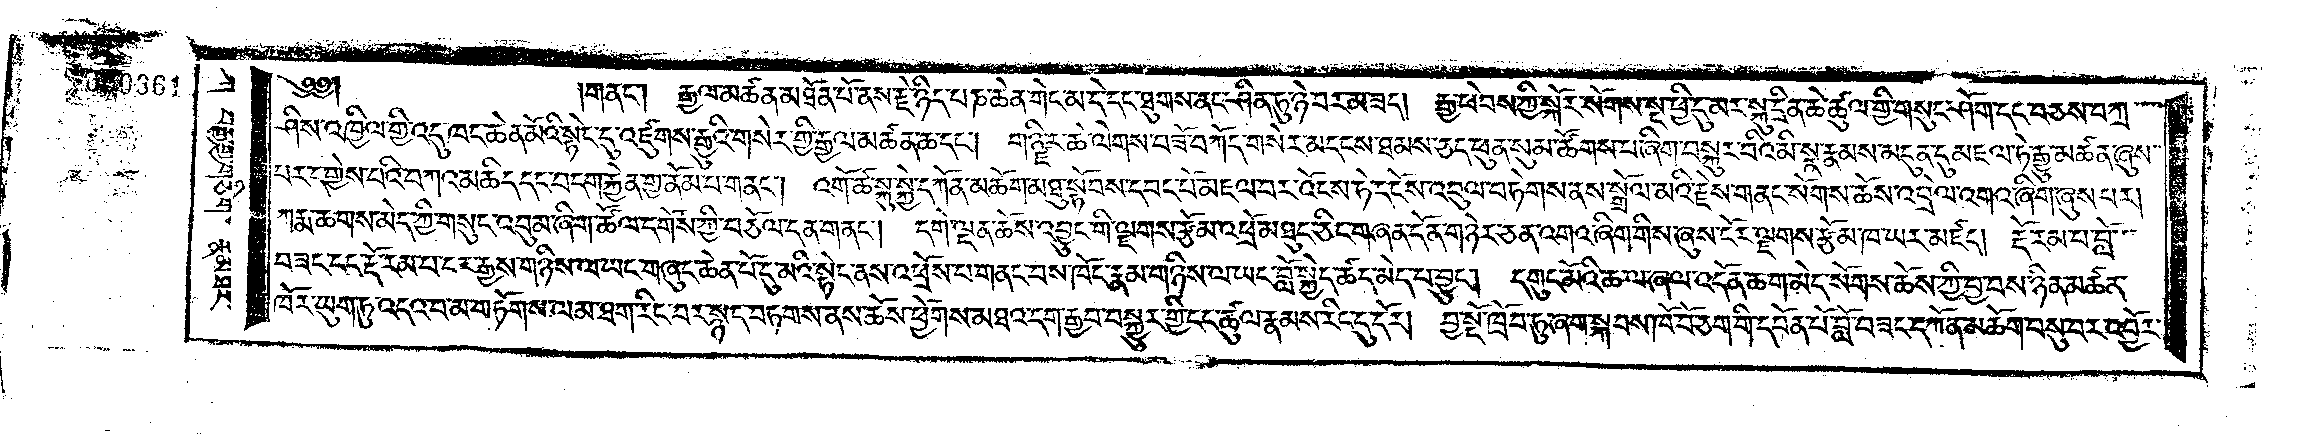༄༅། །གནང་། རྒྱལ་མཚན་མཐོན་པོ་ནས་རྗེ་ཉིད་པཎ་ཆེན་གོང་མ་དེ་དང་ཐུགས་ནང་ཤིན་ཏུ་ཉེ་བར་མ་ཟད། རྒྱ་ཕེབས་ཀྱི་སྐོར་སོགས་སྔ་ཕྱི་དུ་མར་སྐུ་དྲིན་ཆེ་ཚུལ་གྱི་གསུང་ཤོག་དང་བཅས་བཀྲ་
ཤིས་འཁྱིལ་གྱི་འདུ་ཁང་ཆེན་མོའི་སྟེང་དུ་འཛུགས་རྒྱུའི་གསེར་གྱི་རྒྱལ་མཚན་ཆ་དང་། གཉྫི་ར་ཆེ་ལེགས་བཟོ་བཀོད་གསེར་མདངས་ཐམས་ཅད་ཕུན་སུམ་ཚོགས་པ་ཞིག་བསྐུར་བའི་མི་སྣ་རྣམས་མདུན་དུ་མཇལ་ཏེ་རྒྱུ་མཚན་ཞུས་
པར་དགྱེས་པའི་བཀའ་མཆིད་དང་བདག་རྐྱེན་གྱ་ནོམ་པ་གནང་། འགོ་ཚ་སྐུ་སྐྱེ་དཀོན་མཆོག་མཐུ་སྟོབས་དབང་པོ་མཇལ་བར་འོངས་ཏེ་དངོས་འབུལ་བཏེགས་ནས་སྒྲོལ་མའི་རྗེས་གནང་སོགས་ཆོས་འབྲེལ་འགའ་ཞིག་ཞུས་པར།
ཀརྨ་ཆགས་མེད་ཀྱི་གསུང་འབུམ་ཞིག་ཚོལ་དགོས་ཀྱི་བཅོལ་དན་གནང་། དགེ་ལྡན་ཆོས་འབྱུང་གི་ལྗགས་རྩོམ་འཕྲོ་མཐུང་ཅིང་གཞན་དོན་གཉེར་ཅན་འགའ་ཞིག་གིས་ཞུས་ངོར་ལྗགས་རྩོམ་ཁ་ཡར་མཛད། རྡོ་རམ་པ་བློ་
བཟང་ངང་རྡོ་རམ་པ་ངར་རྒྱས་གཉིས་ལ་ཡང་གཞུང་ཆེན་པོ་དུ་མའི་སྟེང་ནས་འཕྲོས་པ་གནང་བས་ཁོང་རྣམ་གཉིས་ལ་ཡང་བློ་སྐྱེད་ཚད་མེད་པ་བྱུང་། དགུང་མོའི་ཆ་ལ་ཞལ་འདོན་ཆག་མེད་སོགས་ཆོས་ཀྱི་བྱ་བས་ཉིན་མཚན་
ཁོར་ཡུག་ཏུ་འདའ་བ་མ་གཏོགས་ལམ་ཐག་རིང་བར་སྙད་བཏགས་ནས་ཆོས་ཕྱོགས་མཐའ་དག་རྒྱབ་བསྐྱུར་གྱི་ངང་ཚུལ་རྣམས་རིང་དུ་དོར། བྱ་སྔོ་ཁྲོབ་ཏུ་ཞག་སྐབས་ཁོ་བོ་ཅག་གི་དབོན་པོ་བློ་བཟང་དཀོན་མཆོག་བསུ་བར་འབྱོར་